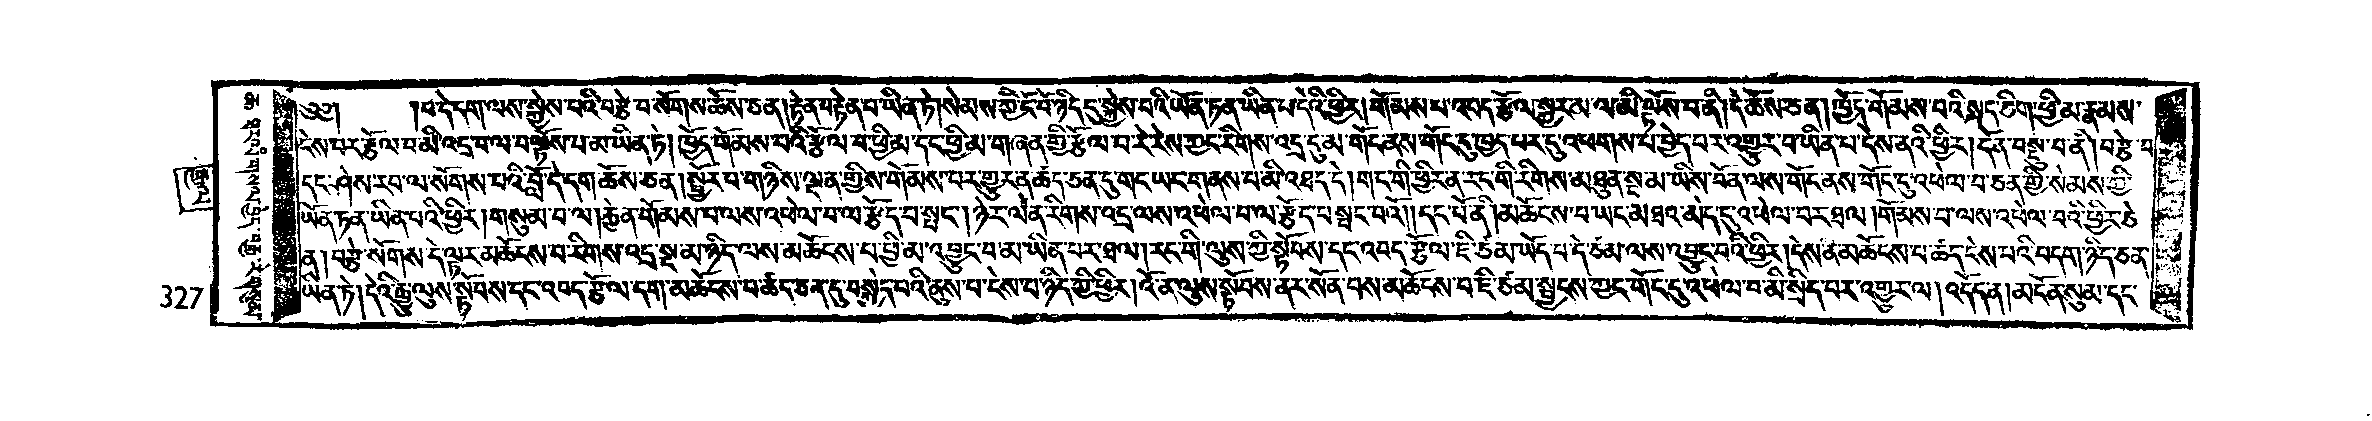༄༅། །བ་དེ་དག་ལས་སྐྱེས་པའི་བརྩེ་བ་སོགས་ཆོས་ཅན། རྟེན་བརྟེན་པ་ཡིན་ཏེ། སེམས་ཀྱི་ངོ་བོ་ཉིད་དུ་སྐྱེས་པའི་ཡོན་ཏན་ཡིན་པ་དེའི་ཕྱིར། གོམས་པ་འབད་རྩོལ་སྦྱར་?་མ་ལ་མི་ལྟོས་པ་ནི། དེ་ཆོས་ཅན། ཁྱོད་གོམས་པའི་སྐད་ཅིག་ཕྱི་མ་རྣམས་
ངེས་པར་རྩོལ་བ་མི་འདྲ་བ་ལ་བལྟོས་པ་མ་ཡིན་ཏེ། ཁྱོད་གོམས་པའི་རྩོལ་བ་ཕྱི་མ་དང་ཕྱི་མ་གཞན་གྱི་རྩོལ་བ་རེ་རེས་ཀྱང་རིགས་འདྲ་དུ་མ་གོང་ནས་གོང་དུ་ཁྱད་པར་དུ་འཕགས་པ་བྱེད་པར་འགྱུར་བ་ཡིན་པ་དེས་ནའི་ཕྱིར། དོན་བསྡུ་བ་ནི། བརྩེ་བ་
དང་ཤེས་རབ་ལ་སོགས་པའི་བློ་དེ་དག་ཆོས་ཅན། སྦྱོར་བ་གཉིས་ལྡན་གྱིས་གོམས་པར་གྱུར་ན་ཚད་ཅན་དུ་གང་ཡང་གནས་པ་མི་འཐད་དེ། གང་གི་ཕྱིར་ན་རང་གི་རིགས་མཐུན་སྔ་མ་ཡི་ས་བོན་ལས་གོང་ནས་གོང་དུ་འཕེལ་བ་ཅན་གྱི་སེམས་ཀྱི་
ཡོན་ཏན་ཡིན་པའི་ཕྱིར། གསུམ་པ་ལ། རྐྱེན་གོམས་པ་ལས་འཕེལ་བ་ལ་རྩོད་པ་སྤང་། ཉེར་ལེན་རིགས་འདྲ་ལས་འཕེལ་བ་ལ་རྩོད་པ་སྤང་བའོ། །དང་པོ་ནི། མཆོངས་པ་ཡང་མཐའ་མེད་དུ་འཕེལ་བར་ཐལ། གོམས་པ་ལས་འཕེལ་བའི་ཕྱིར་ཅེ་
ན། བརྩེ་སོགས་དེ་ལྟར་མཆོངས་པ་རིགས་འདྲ་སྔ་མ་ཉིད་ལས་མཆོངས་པ་ཕྱི་མ་འབྱུང་བ་མ་ཡིན་པར་ཐལ། རང་གི་ལུས་ཀྱི་སྟོབས་དང་འབད་རྩོལ་ཇི་ཙམ་ཡོད་པ་དེ་ཙམ་ལས་འབྱུང་བའི་ཕྱིར། དེས་ནི་མཆོངས་པ་ཚད་ངེས་པའི་བདག་ཉིད་ཅན་
ཡིན་ཏེ། དེའི་རྒྱུ་ལུས་སྟོབས་དང་འབད་རྩོལ་དག་མཆོངས་པ་ཚད་ཅན་དུ་བསྐྱེད་པའི་ནུས་པ་ངེས་པ་ཉིད་ཀྱི་ཕྱིར། འོ་ན་ལུས་སྟོབས་ནར་སོན་པས་མཆོངས་པ་ཇི་ཙམ་སྦྱངས་ཀྱང་གོང་དུ་འཕེལ་བ་མི་སྲིད་པར་འགྱུར་ལ། འདོད་ན། མངོན་སུམ་དང་